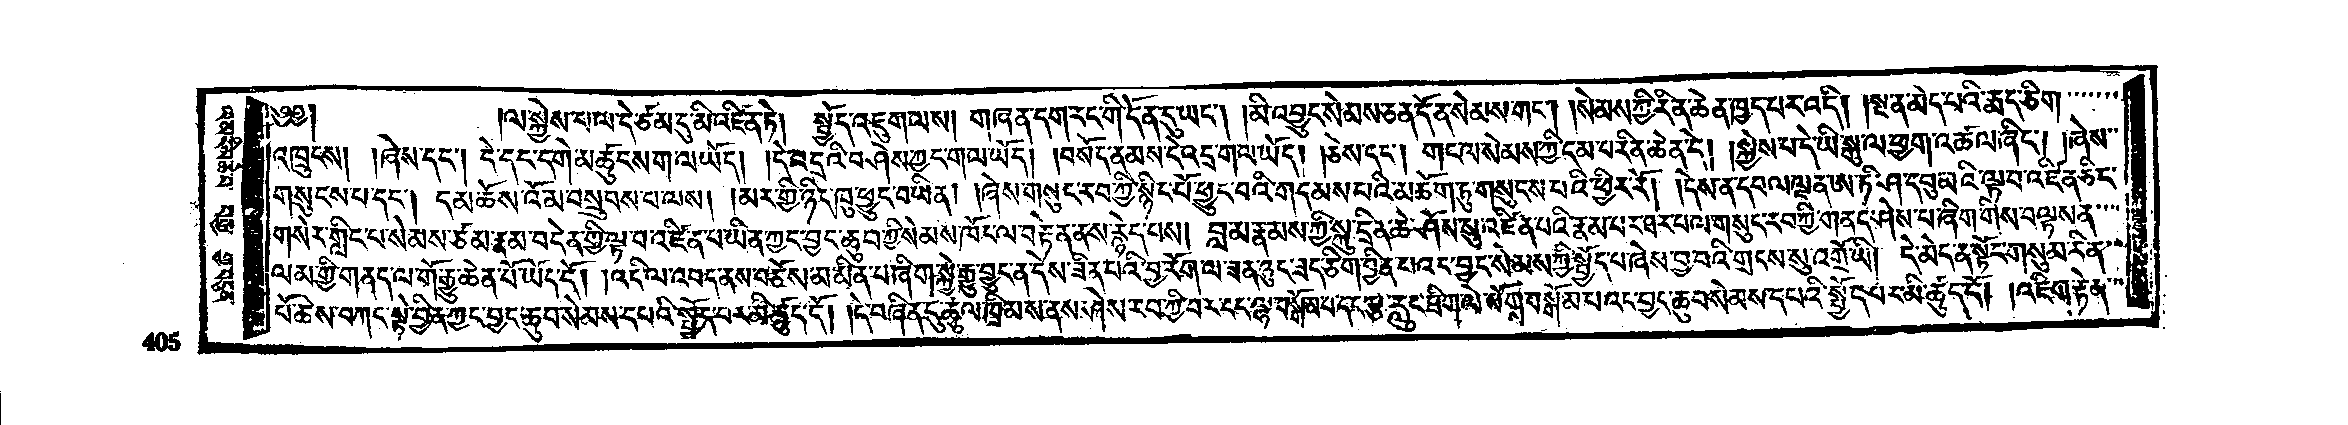༄༅། །ལ་སྐྱེས་པ་ལ་དེ་ཙམ་དུ་མི་འཛིན་ཏེ། སྤྱོད་འཇུག་ལས། གཞན་དག་རང་གི་དོན་དུ་ཡང་། །མི་འབྱུང་སེམས་ཅན་དོན་སེམས་གང་། །སེམས་ཀྱི་རིན་ཆེན་ཁྱད་པར་འདི། །སྔ་ན་མེད་པའི་རྨད་ཅིག་
འཁྲུངས། །ཞེས་དང་། དེ་དང་དགེ་མཚུངས་ག་ལ་ཡོད། །དེ་འདྲའི་བཤེས་ཀྱང་ག་ལ་ཡོད། །བསོད་ནམས་དེ་འདྲ་ག་ལ་ཡོད། །ཅེས་དང་། གང་ལ་སེམས་ཀྱི་དམ་པ་རིན་ཆེན་དེ། །སྐྱེས་པ་དེ་ཡི་སྐུ་ལ་ཕྱག་འཚལ་ཞིང་། །ཞེས་
གསུངས་པ་དང་། དམ་ཆོས་འོ་མ་བསྲུབས་པ་ལས། །མར་གྱི་ཉིང་ཁུ་ཕྱུང་བ་ཡིན། །ཞེས་གསུང་རབ་ཀྱི་སྙིང་པོ་ཕྱུང་བའི་གདམས་པའི་མཆོག་ཏུ་གསུངས་པའི་ཕྱིར་རོ། །དེས་ན་དཔལ་ལྡན་ཨ་ཏི་ཤ་དབུ་མའི་ལྟ་བ་འཛིན་ཅིང་
གསེར་གླིང་པ་སེམས་ཙམ་རྣམ་བདེན་གྱི་ལྟ་བ་འཛིན་པ་ཡིན་ཀྱང་བྱང་ཆུབ་ཀྱི་སེམས་ཁོང་ལ་བརྟེན་ནས་རྙེད་པས། བླ་མ་རྣམས་ཀྱི་སྐུ་དྲིན་ཆེ་ཤོས་སུ་འཛིན་པའི་རྣམ་པར་ཐར་པ་ལ་གསུང་རབ་ཀྱི་གནད་ཤེས་པ་ཞིག་གིས་བལྟས་ན་
ལམ་གྱི་གནད་ལ་གོ་རྒྱུ་ཆེན་པོ་ཡོད་དོ། །འདི་ལ་འབད་ནས་བཅོས་མ་མིན་པ་ཞིག་སྐྱེ་རྒྱུ་བྱུང་ན་དེས་ཟིན་པའི་བྱ་རོག་ལ་ཟན་ཉུང་ཟད་ཅིག་བྱིན་པའང་བྱང་སེམས་ཀྱི་སྤྱོད་པ་ཞེས་བྱ་བའི་གྲངས་སུ་འགྲོ་ཡི། དེ་མེད་ན་སྟོང་གསུམ་རིན་
པོ་ཆེས་བཀང་སྟེ་བྱིན་ཀྱང་བྱང་ཆུབ་སེམས་དཔའི་སྤྱོད་པར་མི་ཚུད་དོ། །དེ་བཞིན་དུ་ཚུལ་ཁྲིམས་ནས་ཤེས་རབ་ཀྱི་བར་དང་ལྷ་བསྒོམ་པ་དང་རྩ་རླུང་ཐིག་ལེ་སོགས་བསྒོམ་པའང་བྱང་ཆུབ་སེམས་དཔའི་སྤྱོད་པར་མི་ཚུད་དོ། །འཇིག་རྟེན་